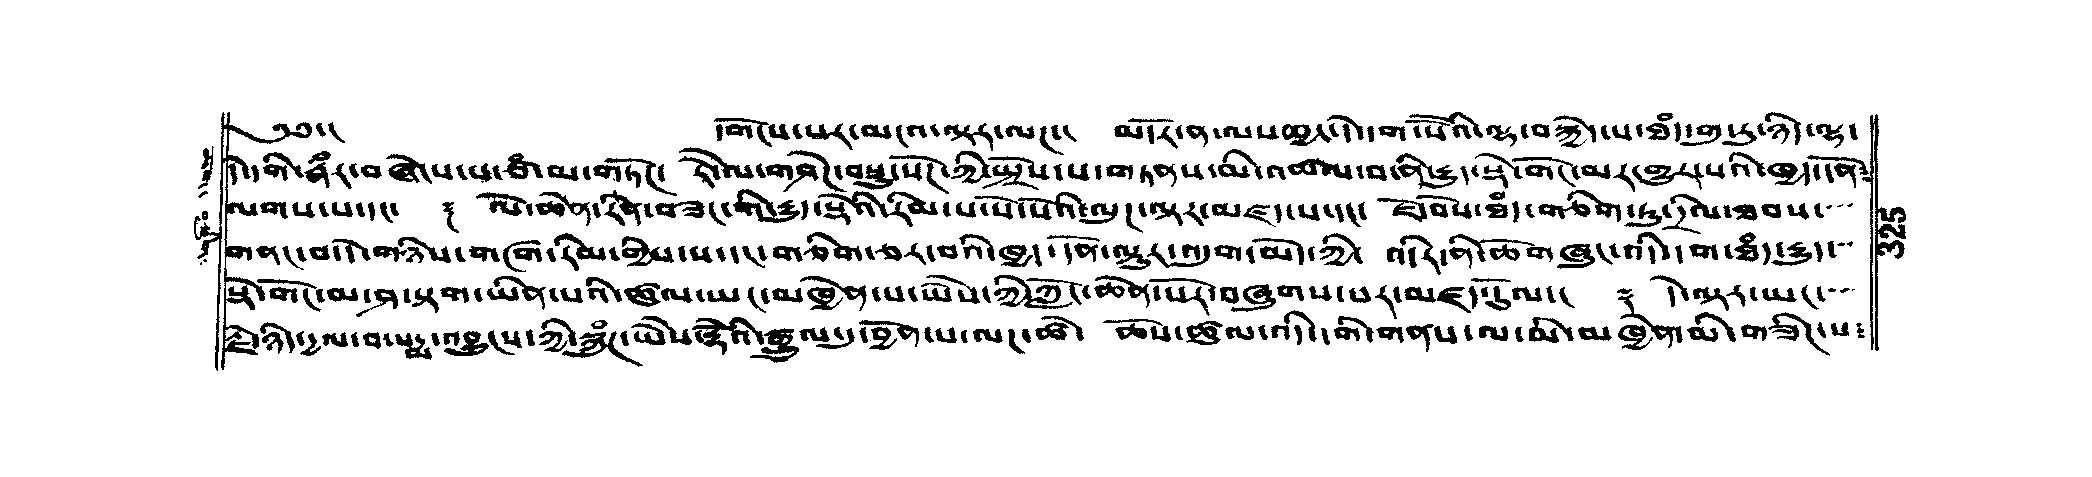དགོངས་པ་མངའ་ལྟར་ལགས། མདོར་ན་ལས་བྱང་དེ་དག་སོ་སོའི་ལྷ་བསྐྱེད་པ་ཐམས་ཅད་གུ་རུ་ཉིད་ལྷ་
དེ་དག་གི་རྣམ་པར་བཞེངས་པ་ཙམ་མ་གཏོགས། རེ་རེ་ལ་གཤེགས་བསྡུ་སོགས་བསྡུ་སོགས་ཀྱི་སྤྲོས་པ་གཏན་ནས་མི་འཚལ་བ་ནི་རྒྱུད་སྡེ་གོང་མར་གྱུར་པའི་ཁྱད་དོན་
ལགས་པ་དང་། ༈ ལོ་ཆེན་རིན་བཟང་གི་རྒྱུད་སྡེའི་རིམ་པ་སོ་སོའི་ལུགས་ལྟར་མཛད་པ་དང་། ཇོ་བོས་ཐམས་ཅད་གཅིག་ཏུ་དྲིལ་ཐབས་
གནང་བ་དེ་གཉིས་གདམས་ངག་རིམ་གྱིས་པ་དང་གཅིག་ཅར་བའི་ཁྱད་དོན་ལྟ་བུར་འདུག་མོད་ཀྱི། འདིར་ནི་ཆོག་གཞུང་འདི་དག་ཐམས་ཅད་རྒྱུད་
སྡེ་གོང་མ་ཤ་སྟག་ཡིན་པའི་ཚུལ་ཡང་མཁྱེན་པ་ཡེ་ཤེས་ཀྱི་ཀློང་ཆེན་པོར་བཞུགས་པར་མཛད་དུ་གསོལ། ༈ དེ་ལྟར་ཡང་
རྗེ་ཉིད་རྒྱལ་བ་པདྨ་འབྱུང་གནས་ཀྱི་སྐུ་གསུང་ཐུགས་ཡེ་ཤེས་རྡོ་རྗེའི་སྒྱུ་འཕྲུལ་དུ་བྱོན་པ་ལགས་ཚེ། ཆོས་ཚུལ་འདི་དག་གི་གནས་ལ་མི་མཁྱེན་མི་གཟིགས་པ་